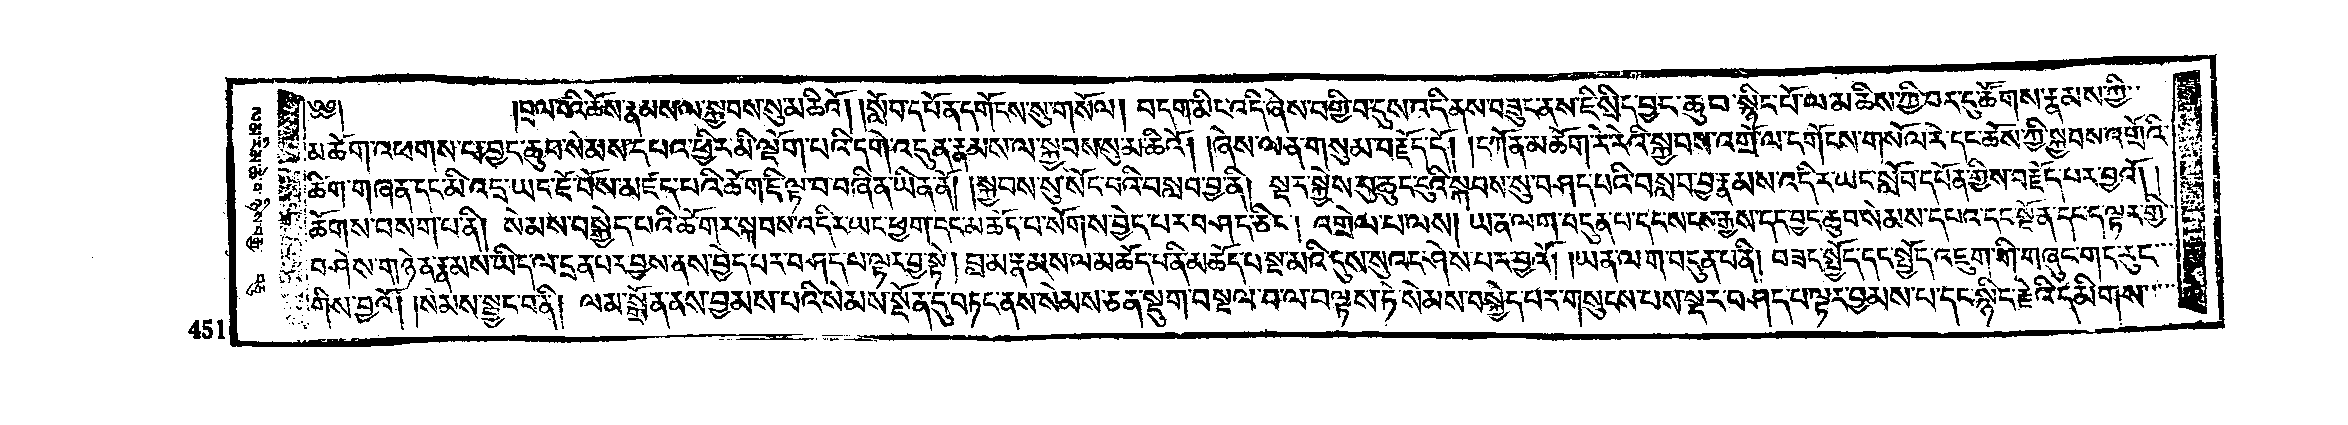༄༅། །བྲལ་བའི་ཆོས་རྣམས་ལ་སྐྱབས་སུ་མཆིའོ། །སློབ་དཔོན་དགོངས་སུ་གསོལ། བདག་མིང་འདི་ཞེས་བགྱི་བ་དུས་འདི་ནས་བཟུང་ནས་ཇི་སྲིད་བྱང་ཆུབ་སྙིང་པོ་ལ་མཆིས་ཀྱི་བར་དུ་ཚོགས་རྣམས་ཀྱི་
མཆོག་འཕགས་པ་བྱང་ཆུབ་སེམས་དཔའ་ཕྱིར་མི་ལྡོག་པའི་དགེ་འདུན་རྣམས་ལ་སྐྱབས་སུ་མཆིའོ། །ཞེས་ལན་གསུམ་བརྗོད་དོ། །དཀོན་མཆོག་རེ་རེའི་སྐྱབས་འགྲོ་ལ་དགོངས་གསོལ་རེ་དང་ཆོས་ཀྱི་སྐྱབས་འགྲོའི་
ཚིག་གཞན་དང་མི་འདྲ་ཡང་ཇོ་བོས་མཛད་པའི་ཆོ་ག་ཇི་ལྟ་བ་བཞིན་ཡིན་ནོ། །སྐྱབས་སུ་སོང་བའི་བསླབ་བྱ་ནི། སྔར་སྐྱེས་བུ་ཆུང་ངུའི་སྐབས་སུ་བཤད་པའི་བསླབ་བྱ་རྣམས་འདིར་ཡང་སློབ་དཔོན་གྱིས་བརྗོད་པར་བྱའོ། །
ཚོགས་བསག་པ་ནི། སེམས་བསྐྱེད་པའི་ཆོ་གར་སྐབས་འདིར་ཡང་ཕྱག་དང་མཆོད་པ་སོགས་བྱེད་པར་བཤད་ཅིང་། འགྲེལ་པ་ལས། ཡན་ལག་བདུན་པ་དང་སངས་རྒྱས་དང་བྱང་ཆུབ་སེམས་དཔའ་དང་སྔོན་དང་ད་ལྟར་གྱི་
བཤེས་གཉེན་རྣམས་ཡིད་ལ་དྲན་པར་བྱས་ནས་བྱེད་པར་བཤད་པ་ལྟར་བྱ་སྟེ། བླ་མ་རྣམས་ལ་མཆོད་པ་ནི་མཆོད་པ་སྔ་མའི་དུས་སུའང་ཤེས་པར་བྱའོ། །ཡན་ལག་བདུན་པ་ནི། བཟང་སྤྱོད་དང་སྤྱོད་འཇུག་གི་གཞུང་གང་རུང་
གིས་བྱའོ། །སེམས་སྦྱང་བ་ནི། ལམ་སྒྲོན་ནས་བྱམས་པའི་སེམས་སྔོན་དུ་བཏང་ནས་སེམས་ཅན་སྡུག་བསྔལ་བ་ལ་བལྟས་ཏེ་སེམས་བསྐྱེད་པར་གསུངས་པས་སྔར་བཤད་པ་ལྟར་བྱམས་པ་དང་སྙིང་རྗེའི་དམིགས་